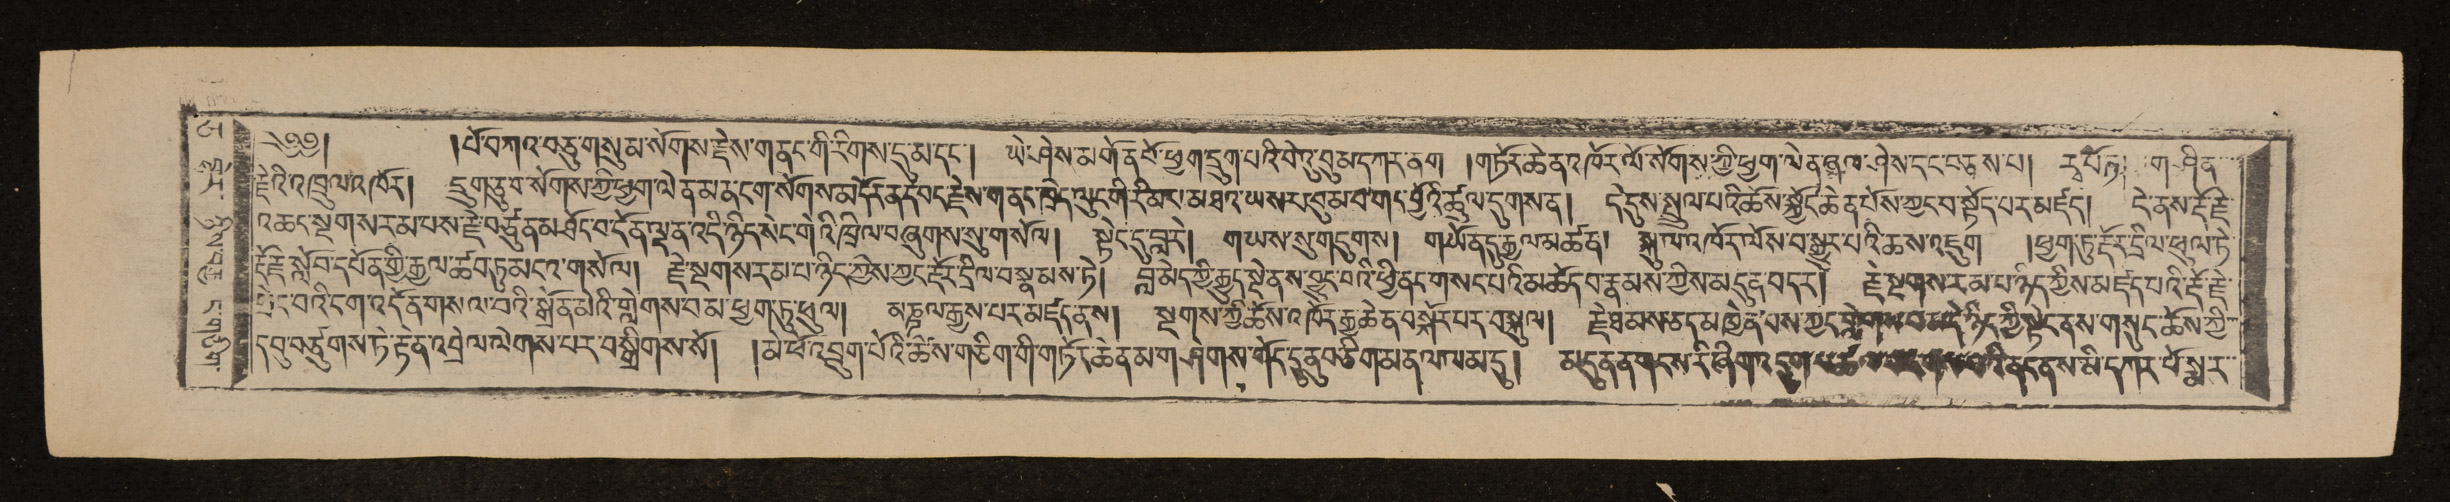༄༅། །པོ་བཀའ་བཅུ་གསུམ་སོགས་རྗེས་གནང་གི་རིགས་དུ་མ་དང་། ཡེ་ཤེས་མགོན་པོ་ཕྱག་དྲུག་པའི་བེའུ་བུམ་དཀར་ནག །གཏོར་ཆེན་འཁོར་ལོ་སོགས་ཀྱི་ཕྱག་ལེན་ཞལ་ཤེས་དང་བཅས་པ། རྭ་པོ་ཏ། གཤིན་
རྗེའི་འཁྲུལ་འཁོར། དྲུག་ཅུ་པ་སོགས་ཀྱི་ཕྱག་ལེན་མན་ངག་སོགས་མདོར་ན་དབང་རྗེས་གནང་ཁྲིད་ལུང་གི་རིམ་པ་མཐའ་ཡས་པ་བུམ་པ་གང་བྱོའི་ཚུལ་དུ་གསན། དེ་དུས་སྤྲུལ་པའི་ཆོས་སྐྱོང་ཆེན་པོས་ཀྱང་བསྟོད་པར་མཛད། དེ་ནས་རྡོ་རྗེ་
འཆང་སྔགས་རམ་པས་རྗེ་བཙུན་མཐོང་བ་དོན་ལྡན་འདི་ཉིད་སེང་གེའི་ཁྲིལ་བཞུགས་སུ་གསོལ། སྟེང་དུ་བླ་རེ། གཡས་སུ་གདུགས། གཡོན་དུ་རྒྱལ་མཚན། སྐུ་ལ་འཁོར་ལོས་བསྒྱུར་བའི་ཆས་འཇུག །ཕྱག་ཏུ་རྡོར་དྲིལ་ཕུལ་ཏེ་
རྡོ་རྗེ་སློབ་དཔོན་གྱི་རྒྱལ་ཚབ་ཏུ་མངའ་གསོལ། རྗེ་སྔགས་རམ་པ་ཉིད་ཀྱིས་ཀྱང་རྡོར་དྲིལ་བསྣམས་ཏེ། བླ་མེད་ཀྱི་རྒྱུད་སྡེ་ནས་བྱུང་བའི་ཕྱི་ནང་གསང་བའི་མཆོད་པ་རྣམས་ཀྱིས་མདུན་པ་དང་། རྗེ་སྔགས་རམ་པ་ཉིད་ཀྱིས་མཛད་པའི་རྡོ་རྗེ་ཕྲེང་བའི་ངག་འདོན་གསལ་བའི་སྒྲོན་མེའི་གླེགས་བམ་ཕྱག་ཏུ་ཕུལ། མཎྜལ་རྒྱས་པར་མཛད་ནས། སྔགས་ཀྱི་ཆོས་འཁོར་རྒྱ་ཆེན་བསྐོར་བར་བསྐུལ། རྗེ་ཐམས་ཅད་མཁྱེན་བས་ཀྱང་གླེགས་བམ་དེ་ཉིད་ཀྱི་སྟེང་ནས་གསུང་ཆོས་ཀྱི་
དབུ་བཙུགས་ཏེ་རྟེན་འབྲེལ་ལེགས་པར་བསྒྲིགས་སོ། །མེ་ཕོ་འབྲུག་ལོའི་ཚེས་གཅིག་གི་གཏོར་ཆེན་མ་གཤེགས་གོང་དུ་ནུབ་ཅིག་མནལ་ལམ་དུ། མདུན་ན་གངས་རི་ཞིག་འདུག་པ་ཚལ་བར་གས་པའི་ནང་ནས་མི་དཀར་པོ་སྨར་